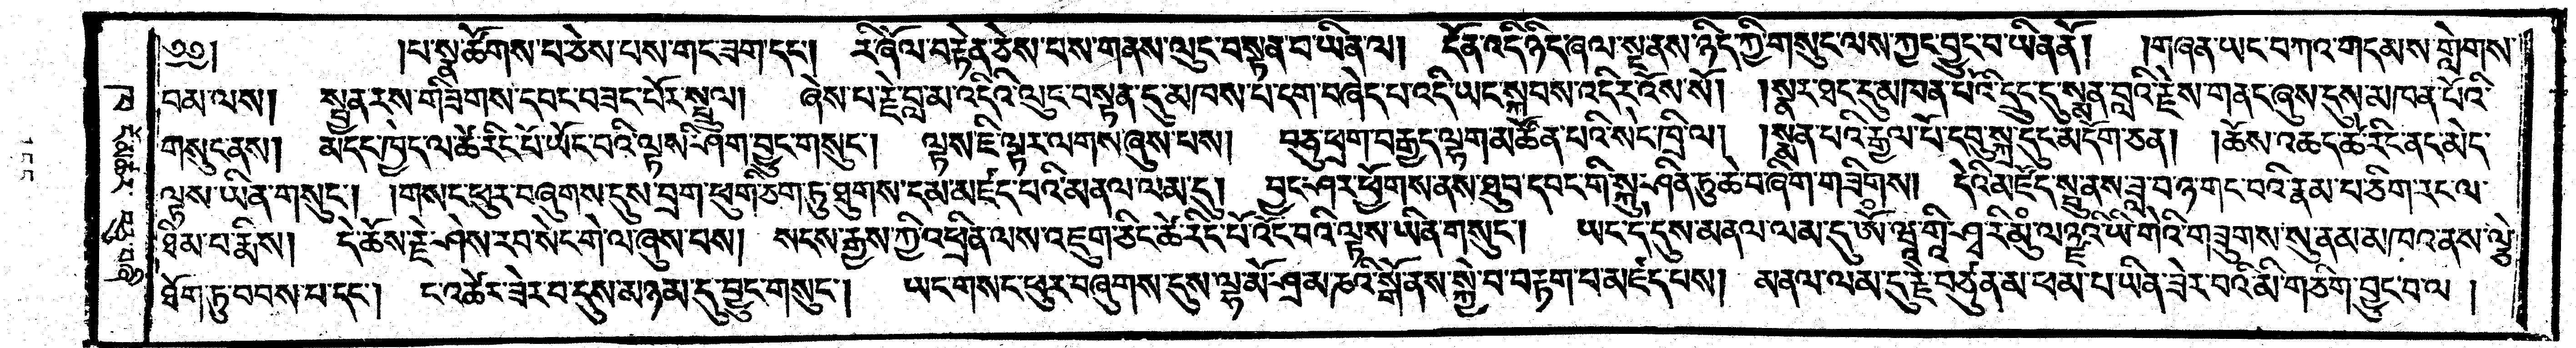༄༅། །པ་སྣ་ཚོགས་པ་ཅེས་པས་གང་ཟག་དང་། རི་ཞོལ་བརྟེན་ཅེས་པས་གནས་ལུང་བསྟན་བ་ཡིན་ལ། དོན་འདི་ཉིད་ཞལ་སྔ་ནས་ཉིད་ཀྱི་གསུང་ལས་ཀྱང་བྱུང་བ་ཡིན་ནོ། །གཞན་ཡང་བཀའ་གདམས་གླེགས་
བམ་ལས། སྤྱན་རས་གཟིགས་དབང་བཟང་པོར་སྤྲུལ། ཞེས་པ་རྗེ་བླ་མ་འདིའི་ལུང་བསྟན་དུ་མཁས་པ་དག་བཞེད་པ་འདི་ཡང་སྐབས་འདིར་འོས་སོ། །སྣར་ཐང་དུ་མཁན་པོའི་དྲུང་དུ་སྨན་བླའི་རྗེས་གནང་ཞུས་དུས་མཁན་པོའི་
གསུང་ནས། མདང་ཁྱེད་ལ་ཚེ་རིང་པོ་ཡོང་བའི་ལྟས་ཤིག་བྱུང་གསུང་། ལྟས་ཇི་ལྟར་ལགས་ཞུས་པས། བཅུ་ཕྲག་བརྒྱད་ལྷག་མཚོན་པའི་སེང་ཁྲི་ལ། །སྨན་པའི་རྒྱལ་པོ་དབུ་སྐྲ་དུང་མདོག་ཅན། །ཆོས་འཆད་ཚེ་རིང་ནད་མེད་
ལྟས་ཡིན་གསུང་། །གསང་ཕུར་བཞུགས་དུས་བྲག་ཕུག་ཅིག་ཏུ་ཐུགས་དམ་མཛད་པའི་མནལ་ལམ་དུ། བྱང་ཤར་ཕྱོགས་ནས་ཐུབ་དབང་གི་སྐུ་ཤིན་ཏུ་ཆེ་བ་ཞིག་གཟིགས། དེའི་མཛོད་སྤུ་ནས་ཟླ་བ་ཉ་གང་བའི་རྣམ་པ་ཅིག་རང་ལ་
ཐིམ་པ་རྨིས། དེ་ཆོས་རྗེ་ཤེས་རབ་སེང་གེ་ལ་ཞུས་བས། སངས་རྒྱས་ཀྱི་འཕྲིན་ལས་འཇུག་ཅིང་ཚེ་རིང་པོ་འོང་བའི་ལྟས་ཡིན་གསུང་། ཡང་དེ་དུས་མནལ་ལམ་དུ་ཨོཾ་ཝཱ་གཱི་ཤྭ་རི་མུཾ་ལཉྫཱི་ཡི་གེའི་གཟུགས་སུ་ནམ་མཁའ་ནས་ལྕེ་
ཐོག་ཏུ་བབས་པ་དང་། ང་འཚེར་ཟེར་བ་དུས་མཉམ་དུ་བྱུང་གསུང་། ཡང་གསང་ཕུར་བཞུགས་དུས་ལྷ་མོ་ཤྲ་མ་ཎའི་སྒོ་ནས་སྐྱེ་བ་བརྟག་པ་མཛད་པས། མནལ་ལམ་དུ་རྗེ་བཙུན་མ་ཕམ་པ་ཡིན་ཟེར་བའི་མི་གཅིག་བྱུང་བ་ལ།